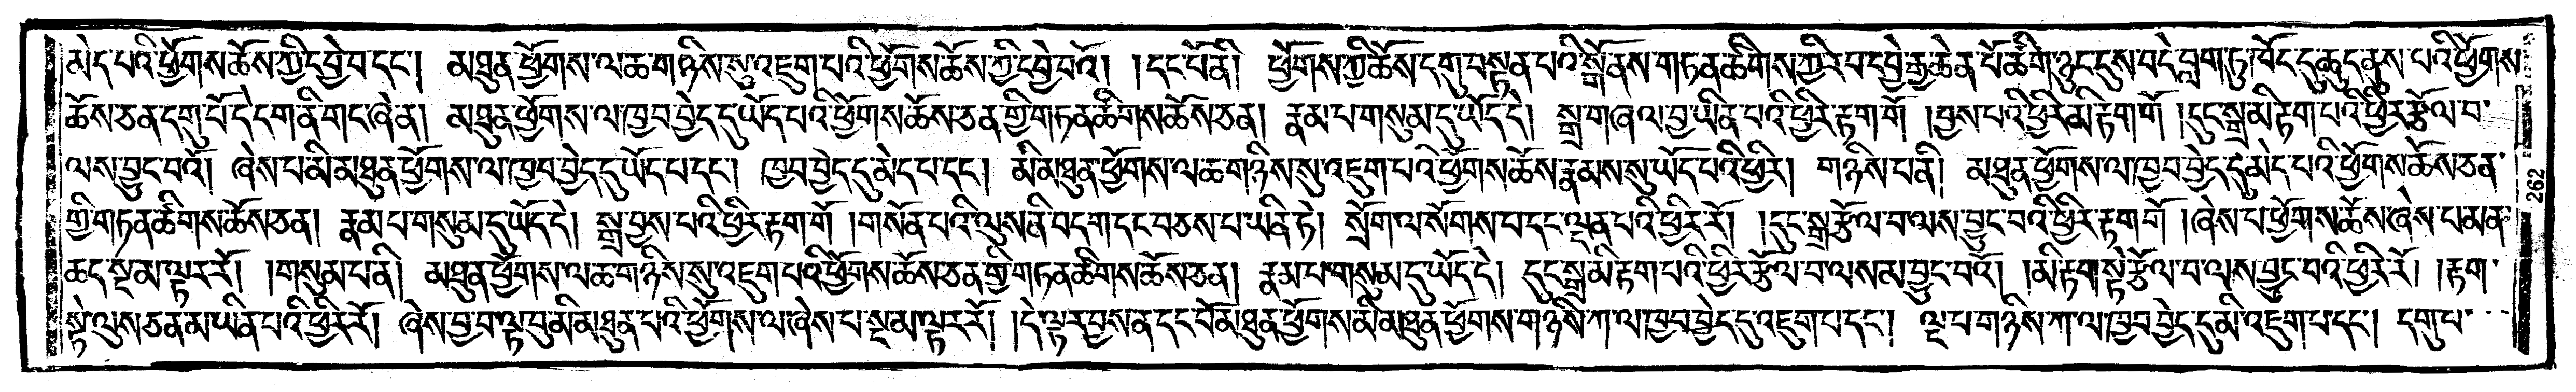མེད་པའི་ཕྱོགས་ཆོས་ཀྱི་དབྱེ་བ་དང་། མཐུན་ཕྱོགས་ལ་ཆ་གཉིས་སུ་འཇུག་པའི་ཕྱོགས་ཆོས་ཀྱི་དབྱེ་བའོ། །དང་པོ་ནི། ཕྱོགས་ཀྱི་ཆོས་དགུ་བསྟན་པའི་སྒོ་ནས་གཏན་ཚིགས་ཀྱི་རབ་དབྱེ་རྒྱ་ཆེན་པོ་ཚིག་ཉུང་དུས་བདེ་བླག་ཏུ་ཁོང་དུ་ཆུང་ནུས་པའི་ཕྱོགས་
ཆོས་ཅན་དགུ་པོ་དེ་དག་ནི་གང་ཞེ་ན། མཐུན་ཕྱོགས་ལ་ཁྱབ་བྱེད་དུ་ཡོད་པའི་ཕྱོགས་ཆོས་ཅན་གྱི་གཏན་ཚིགས་ཆོས་ཅན། རྣམ་པ་གསུམ་དུ་ཡོད་དེ། སྒྲ་གཞལ་བྱ་ཡིན་པའི་ཕྱིར་རྟག་གོ །བྱས་པའི་ཕྱིར་མི་རྟག་གོ། །དུང་སྒྲ་མི་རྟག་པའི་ཕྱིར་རྩོལ་བ་
ལས་བྱུང་བའོ། ཞེས་པ་མི་མཐུན་ཕྱོགས་ལ་ཁྱབ་བྱེད་དུ་ཡོད་པ་དང་། ཁྱབ་བྱེད་དུ་མེད་པ་དང་། མི་མཐུན་ཕྱོགས་ལ་ཆ་གཉིས་སུ་འཇུག་པའི་ཕྱོགས་ཆོས་རྣམས་སུ་ཡོད་པའི་ཕྱིར། གཉིས་པ་ནི། མཐུན་ཕྱོགས་ལ་ཁྱབ་བྱེད་དུ་མེད་པའི་ཕྱོགས་ཆོས་ཅན་
གྱི་གཏན་ཚིགས་ཆོས་ཅན། རྣམ་པ་གསུམ་དུ་ཡོད་དེ། སྒྲ་བྱས་པའི་ཕྱིར་རྟག་གོ །གསོན་པའི་ལུས་ནི་བདག་དང་བཅས་པ་ཡིན་ཏེ། སྲོག་ལ་སོགས་པ་དང་ལྡན་པའི་ཕྱིར་རོ། །དུང་སྒྲ་རྩོལ་བ་ལས་བྱུང་བའི་ཕྱིར་རྟག་གོ །ཞེས་པ་ཕྱོགས་ཆོས་ཞེས་པ་མན་
ཆད་སྔ་མ་ལྟར་རོ། །གསུམ་པ་ནི། མཐུན་ཕྱོགས་ལ་ཆ་གཉིས་སུ་འཇུག་པའི་ཕྱོགས་ཆོས་ཅན་གྱི་གཏན་ཚིགས་ཆོས་ཅན། རྣམ་པ་གསུམ་དུ་ཡོད་དེ། དུང་སྒྲ་མི་རྟག་པའི་ཕྱིར་རྩོལ་བ་ལས་མ་བྱུང་བའོ། །མི་རྟག་སྟེ་རྩོལ་བ་ལས་བྱུང་བའི་ཕྱིར་རོ། །རྟག་
སྟེ་ལུས་ཅན་མ་ཡིན་པའི་ཕྱིར་རོ། ཞེས་བྱ་བ་ལྟ་བུ་མི་མཐུན་པའི་ཕྱོགས་ལ་ཞེས་པ་སྔ་མ་ལྟར་རོ། །དེ་ལྟར་བྱས་ན་དང་པོ་མཐུན་ཕྱོགས་མི་མཐུན་ཕྱོགས་གཉིས་ཀ་ལ་ཁྱབ་བྱེད་དུ་འཇུག་པ་དང་། ལྔ་པ་གཉིས་ཀ་ལ་ཁྱབ་བྱེད་དུ་མི་འཇུག་པ་དང་། དགུ་པ་